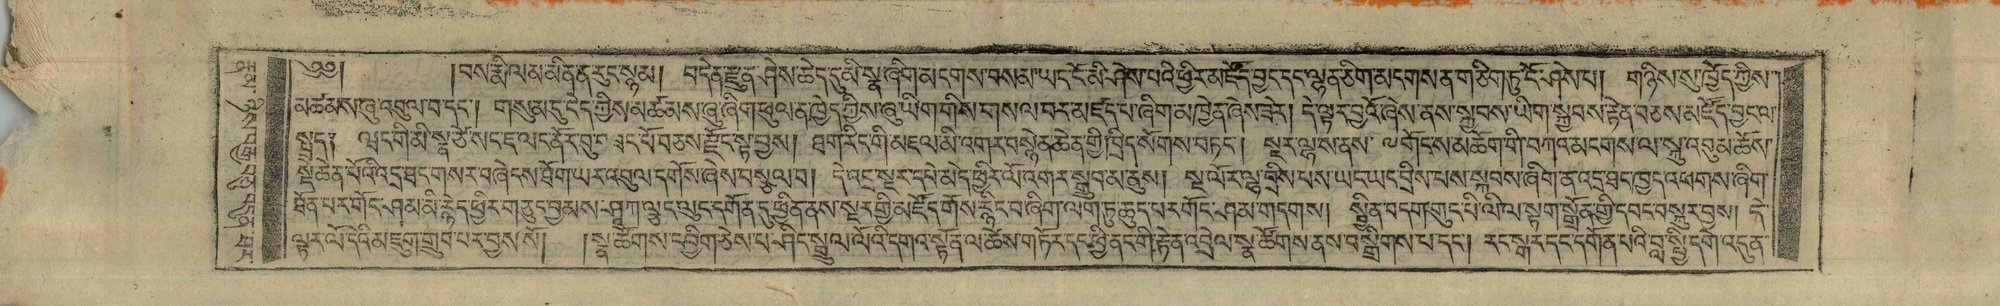༄༅། །བས་རྨི་ལམ་མིན་ན་རུང་སྙམ། བདེན་རྫུན་ཤེས་ཆེད་དུ་མི་སྣ་ཞིག་མངགས་བསམ་ཡང་ངོ་མི་ཤེས་པའི་ཕྱིར་མཛོད་བྱང་དང་ལྷན་ཅིག་མངགས་ན་གཅིག་ཏུ་ངོ་ཤེས་པ། གཉིས་སུ་ཁྱོད་ཀྱིས་
མཚམས་ཞུ་འབུལ་བ་དང་། གསུམ་དུ་ངེད་ཀྱིས་མཚམས་ཞུ་ཞིག་ཕུལ་ན་ཁྱེད་ཀྱིས་ཞུ་ཡིག་གིས་གསལ་བར་མཛད་པ་ཞིག་མཁྱེན་ཞེས་ཟེར། དེ་ལྟར་བྱའོ་ཞེས་ནས་སྐྱབས་ཡིག་སྐྱབས་རྟེན་བཅས་མཛོད་བྱང་ལ་
སྤྲད། ཝང་གི་མི་སྣ་ཙེ་སང་ཇ་ལང་ནོར་བུ་བཟང་པོ་བཅས་རྫོང་སྟ་བྱས། ཐག་རིང་གི་མཇལ་མི་འགར་བསྙེན་ཆེན་གྱི་ཁྲིད་སོགས་བཏང་། སྔར་ལྷ་ས་ནས་༧གོང་ས་མཆོག་གི་བཀའ་མངགས་ལ་སྐུ་འབུམ་ཆོས་
སྡེ་ཆེན་པོའི་འདྲ་ཐང་གསར་བཞེངས་ཐོག་ཡར་འབུལ་དགོས་ཞེས་བསྩལ་བ། དེ་འདྲ་སྔར་དཔེ་མེད་ཕྱིར་ལོ་འགར་སྒྲུབ་མ་ནུས། སྔ་ལོར་ལྷ་བྲིས་པས་ཡང་ཡང་བྲིས་པས་སྐབས་ཞིག་ན་འདྲ་ཐང་ཁྱད་འཕགས་ཞིག་
ཐོན་པར་གོང་ཤམ་མི་རྙེད་ཕྱིར་གཅུང་བྱམས་ཤཱཀ་ཝང་ལུང་དགོན་དུ་ཕྱིན་ནས་སྔར་གྱི་མཛོད་གོས་རྙིང་པ་ཞིག་ལག་ཏུ་ཆུད་པར་གོང་ཤམ་གདགས། སྦྱིན་བདག་གུང་པི་ལི་ལ་སྟག་སྒྲོན་གྱི་དབང་བསྐུར་བྱས། དེ་
ལྟར་ལོ་དེའི་མཇུག་གྲུབ་པར་བྱས་སོ། །སྣ་ཚོགས་དབྱིག་ཅེས་པ་ཤིང་སྦྲུལ་ལོའི་དགའ་སྟོན་ལ་ཚེས་གཏོར་དང་ཕྱི་ནང་གི་རྟེན་འབྲེལ་སྣ་ཚོགས་ནས་བསྒྲིགས་པ་དང་། རང་སྒར་དང་དགོན་པའི་བླ་སྤྱི་དགེ་འདུན་